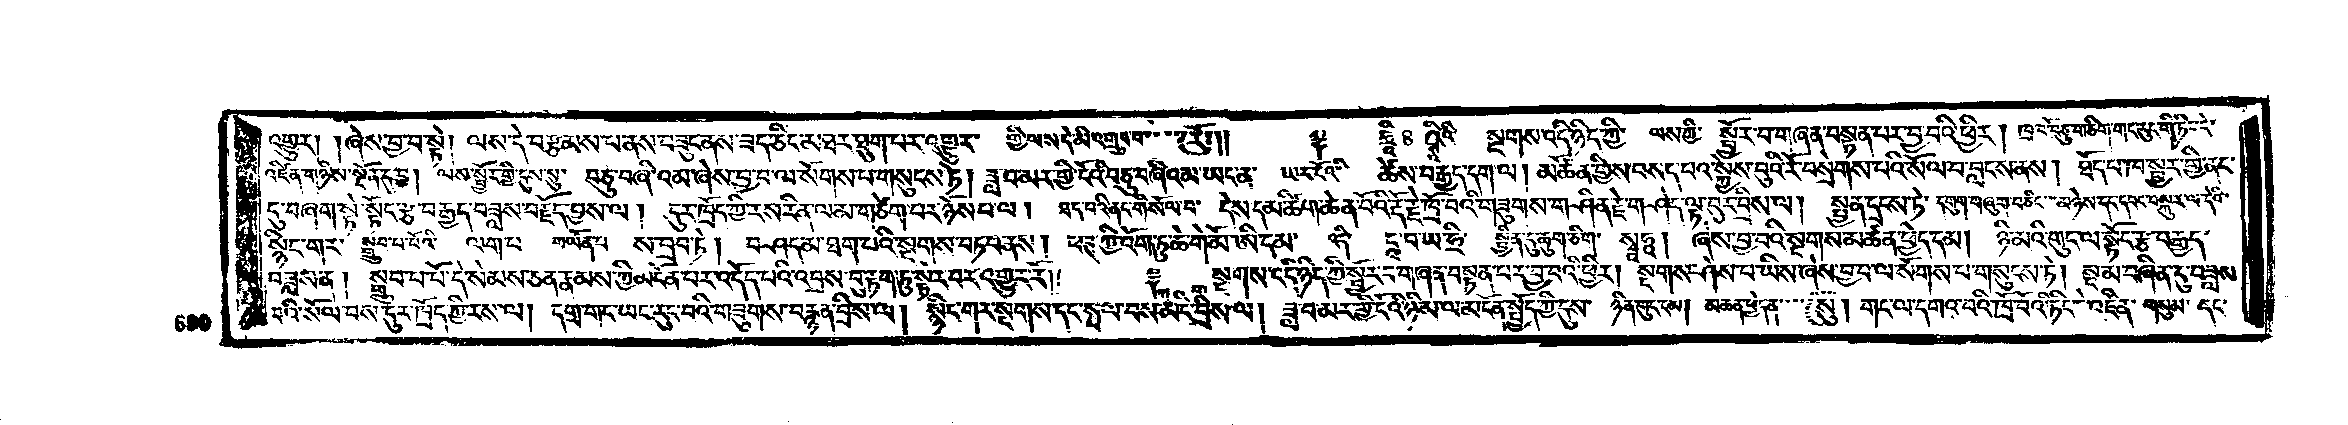འགྱུར། །ཞེས་བྱ་བ་སྟེ། ལས་དེ་བརྩམས་པ་ནས་བཟུང་ནས་ཟད་ཅིང་མཐར་ཐུག་པར་འགྱུར་གྱི་ལས་དེ་མི་འགྲུབ་པ་རོ།། ༈ ཧཱིཿ ཥིཏཱའི་སྔགས་འདི་ཉིད་ཀྱི་ལས་ཀྱི་སྦྱོར་བ་གཞན་བསྟན་པར་བྱ་བའི་ཕྱིར། ཁྲོ་བོ་བཅུ་གཅིག་གང་རུང་གི་ཏིང་ངེ་
འཛིན་གཉིས་སྔོན་དུ་བྱ། ལས་སྦྱོར་གྱི་དུས་སུ་བཅུ་བཞི་འམ་ཞེས་བྱ་བ་ལ་སོགས་པ་གསུངས་ཏེ། ཟླ་བ་མར་གྱི་ངོའི་བཅུ་བཞིའམ་ཡང་ན་ཡར་ངོའི་ཚེས་བརྒྱད་དག་ལ། མཚོན་གྱིས་བསད་པའི་སྐྱེས་བུའི་རོ་བསྲེགས་པའི་སོལ་བ་བླངས་ནས། ཐོད་པ་ཁ་སྦྱར་གྱི་ནང་
དུ་བཞག་སྟེ་སྟོང་རྩ་བརྒྱད་བཟླས་བརྗེད་བྱས་ལ། དུར་ཁྲོད་ཀྱི་རས་རིན་ལ་མ་གཙེག་པར་ཉོས་པ་ལ། ཐད་པའི་ནང་གི་སོལ་བ་དེས་དམ་ཚིག་ཆེན་པོའི་རྡོ་རྗེ་ཁྲོ་བོའི་གཟུགས་གཤིན་རྗེ་གཤེད་ལྟ་བུར་བྲིས་ལ། སྤྱན་དྲངས་ཏེ་དགུག་གཞུག་བཅིང་མཉེས་དང་དབང་བསྐུར་ལ་དེའི
སྙིང་གར་སྒྲུབ་པ་པོའི་ལག་པ་གཡོན་པས་བྲབ་ཏེ། བཤད་མ་ཐག་པའི་སྔགས་བཏབ་ནས། ཕཊ་ཀྱི་འོག་ཏུ་ཆེ་གེ་མོ་ཨི་དམ་འདི་དཱ་བ་ཡ་ཧྲི་སྦྱིན་དུ་ཆུག་ཅིག་སྭཱཧཱ། ཞེས་བྱ་བའི་སྔགས་མཚན་ཕྱེད་དམ། ཉི་མའི་གུང་ལ་སྟེང་རྩ་བརྒྱད་
བཟླས་ན། སྒྲུབ་པ་པོ་དེ་སེམས་ཅན་རྣམས་ཀྱི་མངོན་པར་འདོད་པའི་འབྲས་བུ་རྟག་ཏུ་སྟེར་བར་འགྱུར་རོ།། ༈ སྔགས་འདི་ཉིད་ཀྱི་སྦྱོར་བ་གཞན་བསྟན་པར་བྱ་བའི་ཕྱིར། སྔགས་ཤེས་པ་ཡིས་ཞེས་བྱ་བ་ལ་སོགས་པ་གསུངས་ཏེ། སྔ་མ་བཞིན་དུ་བཟླས་
པའི་སོལ་བས་དུར་ཁྲོད་ཀྱི་རས་ལ། དགྲ་གང་ཡང་རུང་བའི་གཟུགས་བརྙན་བྲིས་ལ། སྙིང་གར་སྔགས་དང་སྤལ་བས་མིང་བྲིས་ལ། ཟླ་བ་མར་གྱི་ངོའི་ཉི་མ་ལ་མངོན་སྤྱོད་ཀྱི་དུས་ཉིན་གུང་ངམ། མཚན་ཕྱེད་ན་སུ། གང་ལ་དགའ་བའི་ཁྲོ་བོའི་ཏིང་ངེ་འཛིན་གསུམ་དང་